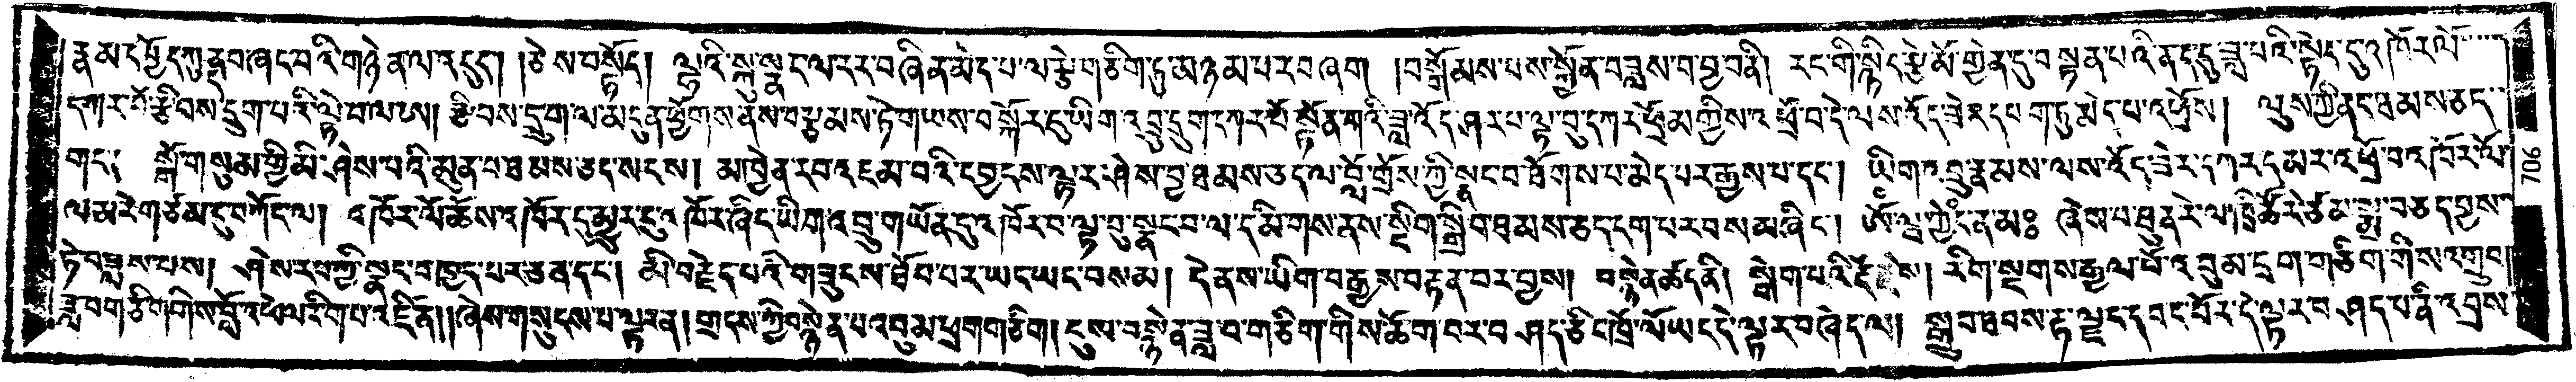རྣམ་དབྱོད་ཀུནྡ་བཞང་པའི་གཉེན་ལ་འདུང་། །ཅེས་བསྟོང་། ལྷའི་སྐུ་སྣང་ལ་རར་བཞིན་མེད་པ་ལ་རྩེ་གཅིག་ཏུ་མཉམ་པར་བཞག །བསྒོམས་པ་ས་སྐྱོན་བཟླས་བ་བྱ་བ་ནི། རང་གི་སྙིང་རྩེ་མོ་གྱེན་དུ་བསྟན་པའི་ནད་དུ་ཟླ་པའི་སྟེང་དུ་འཁོར་ལོ་
དཀར་པོ་རྩིབས་དྲུག་པའི་ལྟེ་བ་ལ་ཨ། རྩིབས་དྲུག་ལ་མདུན་ཕྱོགས་ནས་བརྩམས་ཏེ་གཡས་བསྐོར་དུ་ཡིག་འབྲུ་དྲུག་དཀར་པོ་སྟོན་ཀའི་ཟླ་འོད་ཤར་པ་ལྟ་བུ་དཀར་ཕྲོམ་གྱིས་འཕྲོ་བ་དེ་ལས་འོད་ཟེར་དཔག་ཏུ་མེད་པ་འཕྲོས། ལུས་ཀྱི་ནང་ཐམས་ཅད་
གང༑ སྒོ་གསུམ་གྱི་མི་ཤེས་པའི་མུན་པ་ཐམས་ཅད་སངས། མཁྱེན་རབ་འཇམ་པའི་དབྱངས་ལྟར་ཤེས་བྱ་ཐམས་ཅད་ལ་བློ་གྲོས་ཀྱི་སྣང་བ་ཐོགས་པ་མེད་པར་རྒྱས་པ་དང་། ཡིག་འབྲུ་རྣམས་ལས་འོད་ཟེར་དཀར་དམར་འཕྲོ་བ་འཁོར་ལོ་
ལམ་རེག་ཙམ་དུ་བཀོང་ལ། འཁོར་ལོ་ཆོས་འཁོར་དུ་མྱུར་དུ་འཁོར་ཞིང་ཡིག་འབྲུ་གཡོན་དུ་འཁོར་བ་ལྟ་བུ་སྣང་བ་ལ་དམིགས་ནས་སྡིག་སྒྲིབ་ཐམས་ཅད་དག་པར་བས་མ་ཞིང་། ཨོཾ་ཝ་ཀྱེ་དི་ན་མཿ ཞེས་པ་ཐུན་རེ་ལ་ཁྲི་ཚོར་ཙམ་སྨྲ་བཅད་དགྱས་
ཏེ་བཟླས་བས། ཤེས་རབ་ཀྱི་སྣང་བ་ཁྱད་པར་ཅན་དང་། མི་བརྗེད་བའི་གཟུངས་ཐོབ་པར་ཡང་ཡང་བསམ། དེ་ནས་ཡིག་བརྒྱས་བརྟན་བར་བྱས། བསྙེན་ཚད་ནི། སྒེག་བའི་རྡོ་རྗེས། རིག་སྔགས་རྒྱལ་བོ་འབུམ་སག་གཅིག་གིས་འགྲུབ་
ཟླ་བ་གཅིག་གིས་བློ་འཕེལ་རིག་བ་འཛིན། །ཞེས་གསུངས་བ་ལྟར་ན། གྲངས་ཀྱི་བསྙེན་བ་འབུམ་ཕྲག་གཅིག། དུས་བསྙེན་ཟླ་བ་གཅིག་གིས་ཆོག་བར་བཤད་ཅིང་ཁྲོ་ལོ་ཡང་དེ་ལྟར་བཞེད་ལ། སྒྲུབ་ཐབས་རྟ་ལྗང་དབང་པོར་དེ་ལྟར་བཤད་པ་ནི་འབྲས་